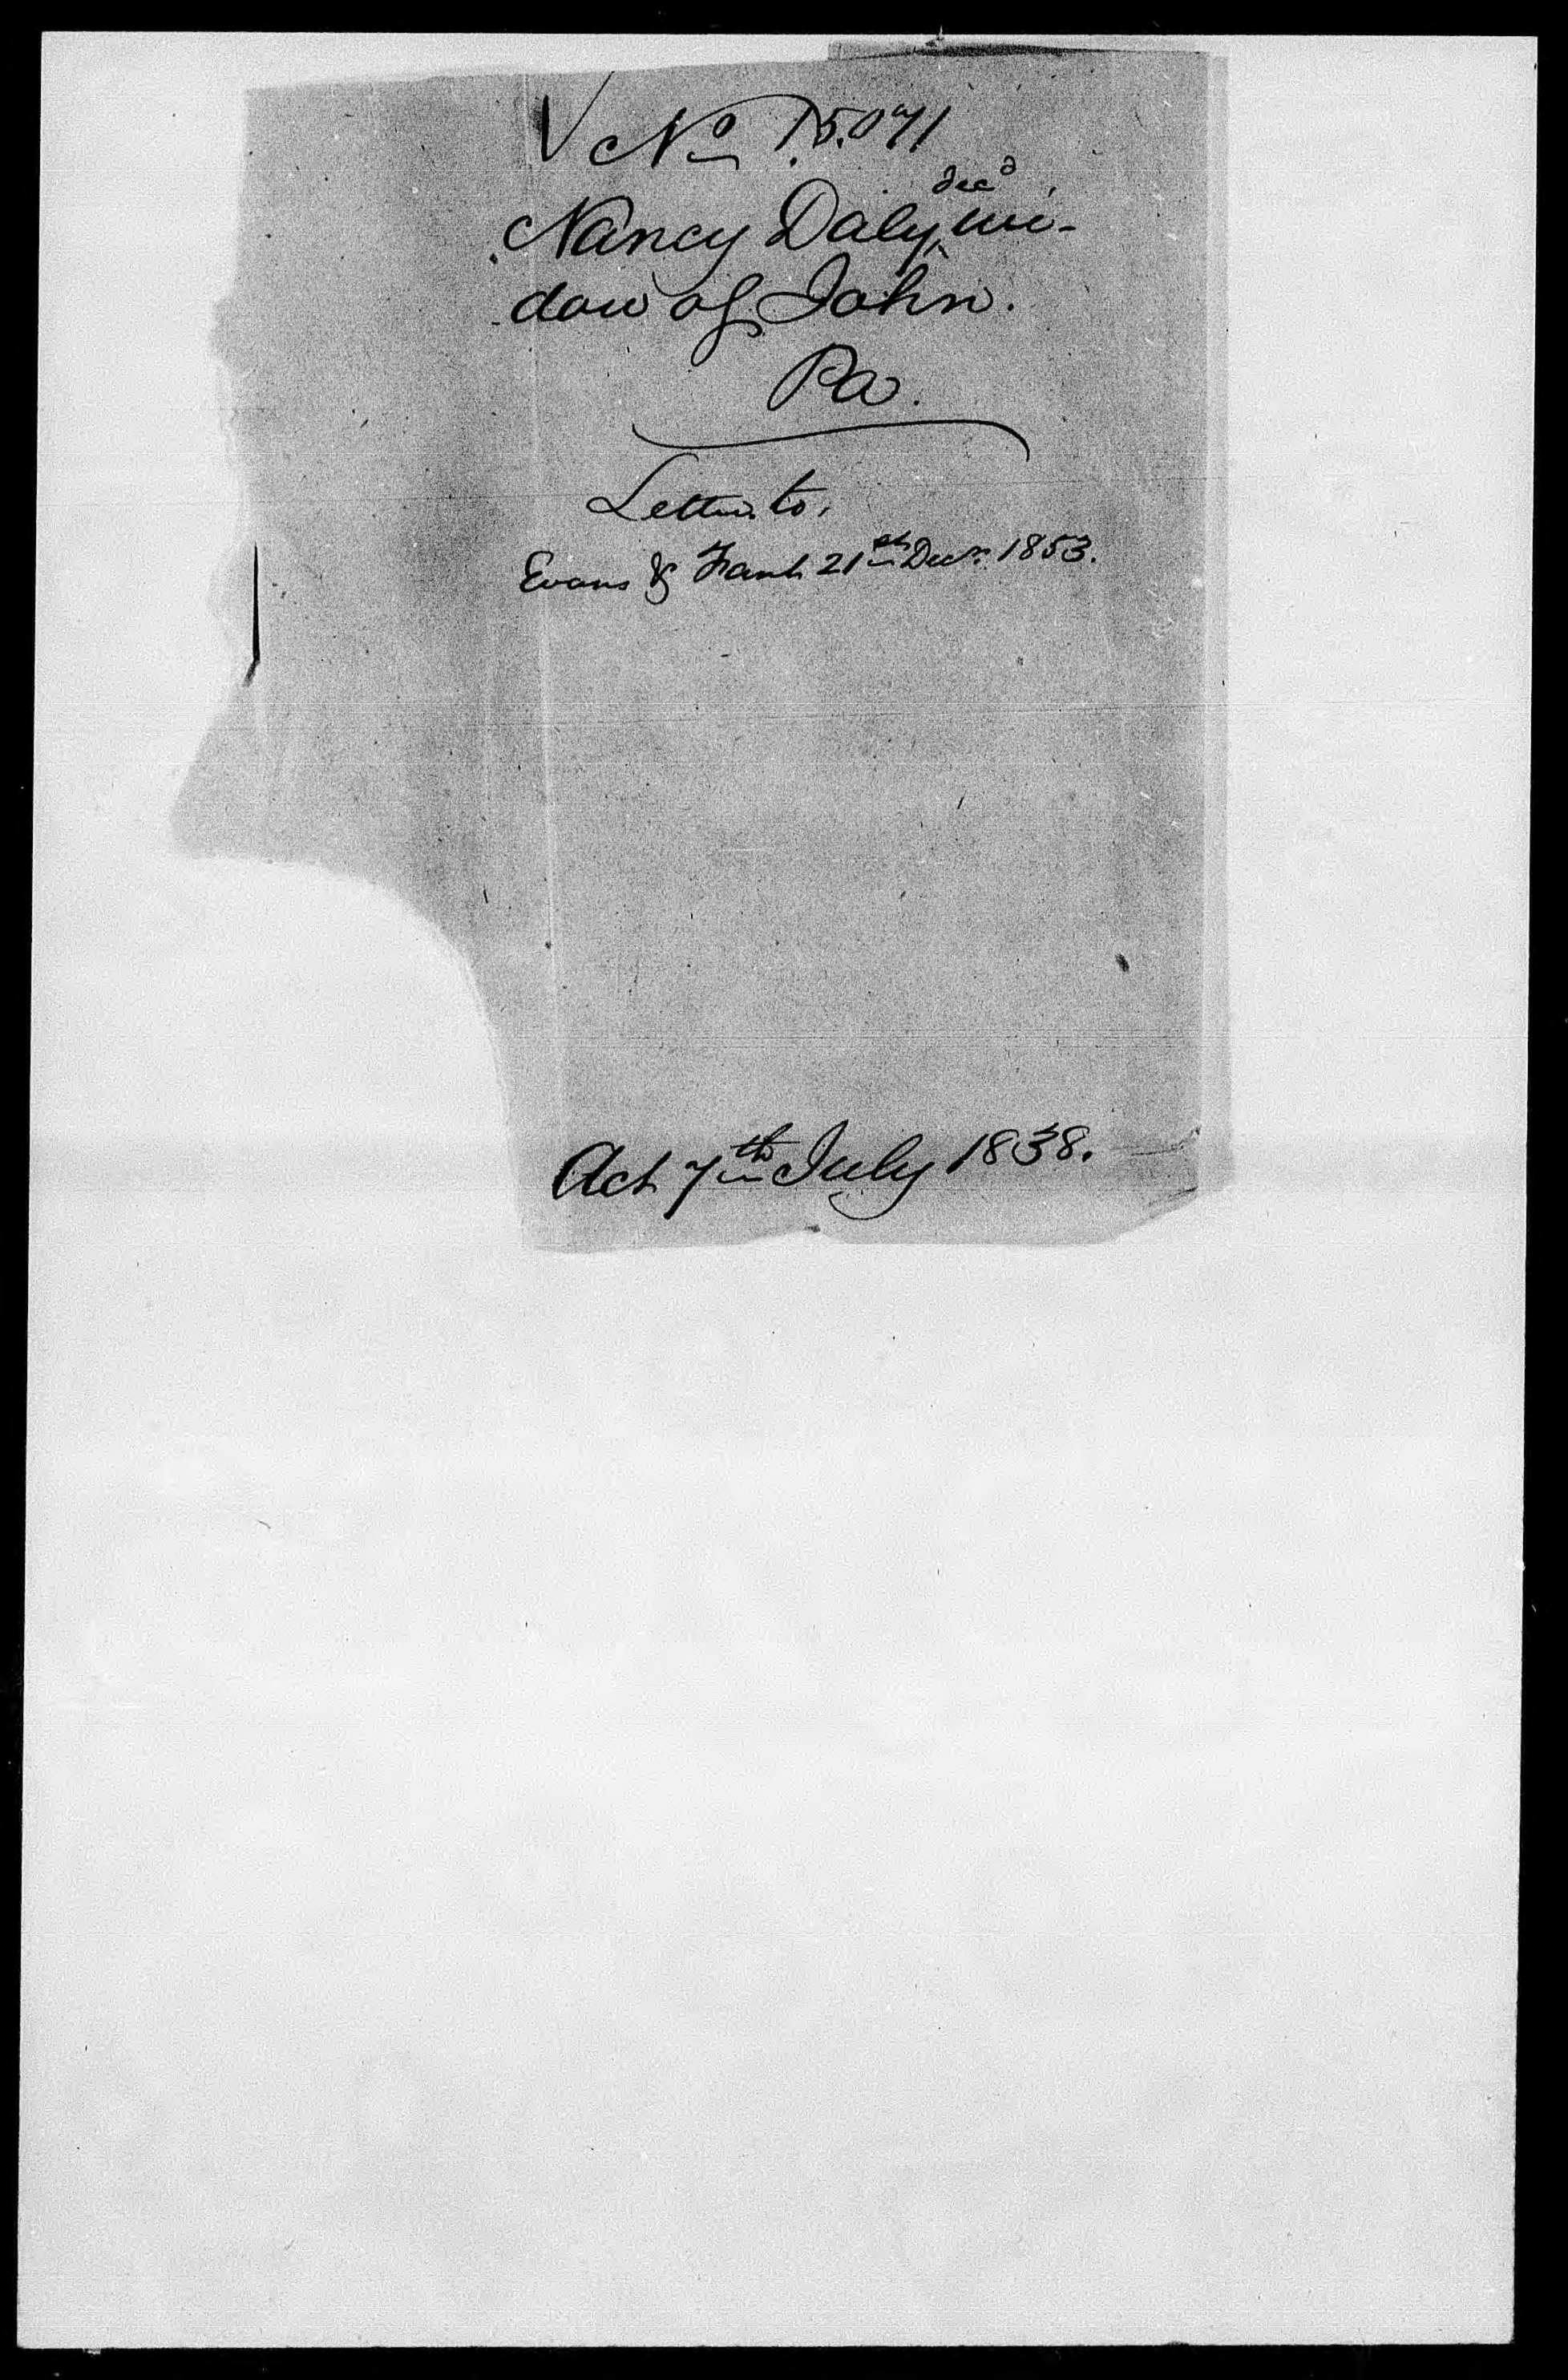V  No. 1.5.071
dec 2
Nancy Daly 
widow of John
Pa.

Letter to
Evans & Fank 21st Decr 18

Act 7th July 1838.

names: Nancy Daly, Evans, Fant, John Daly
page: 20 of 63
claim: widow's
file: W. 3228, John Daly, Penn.